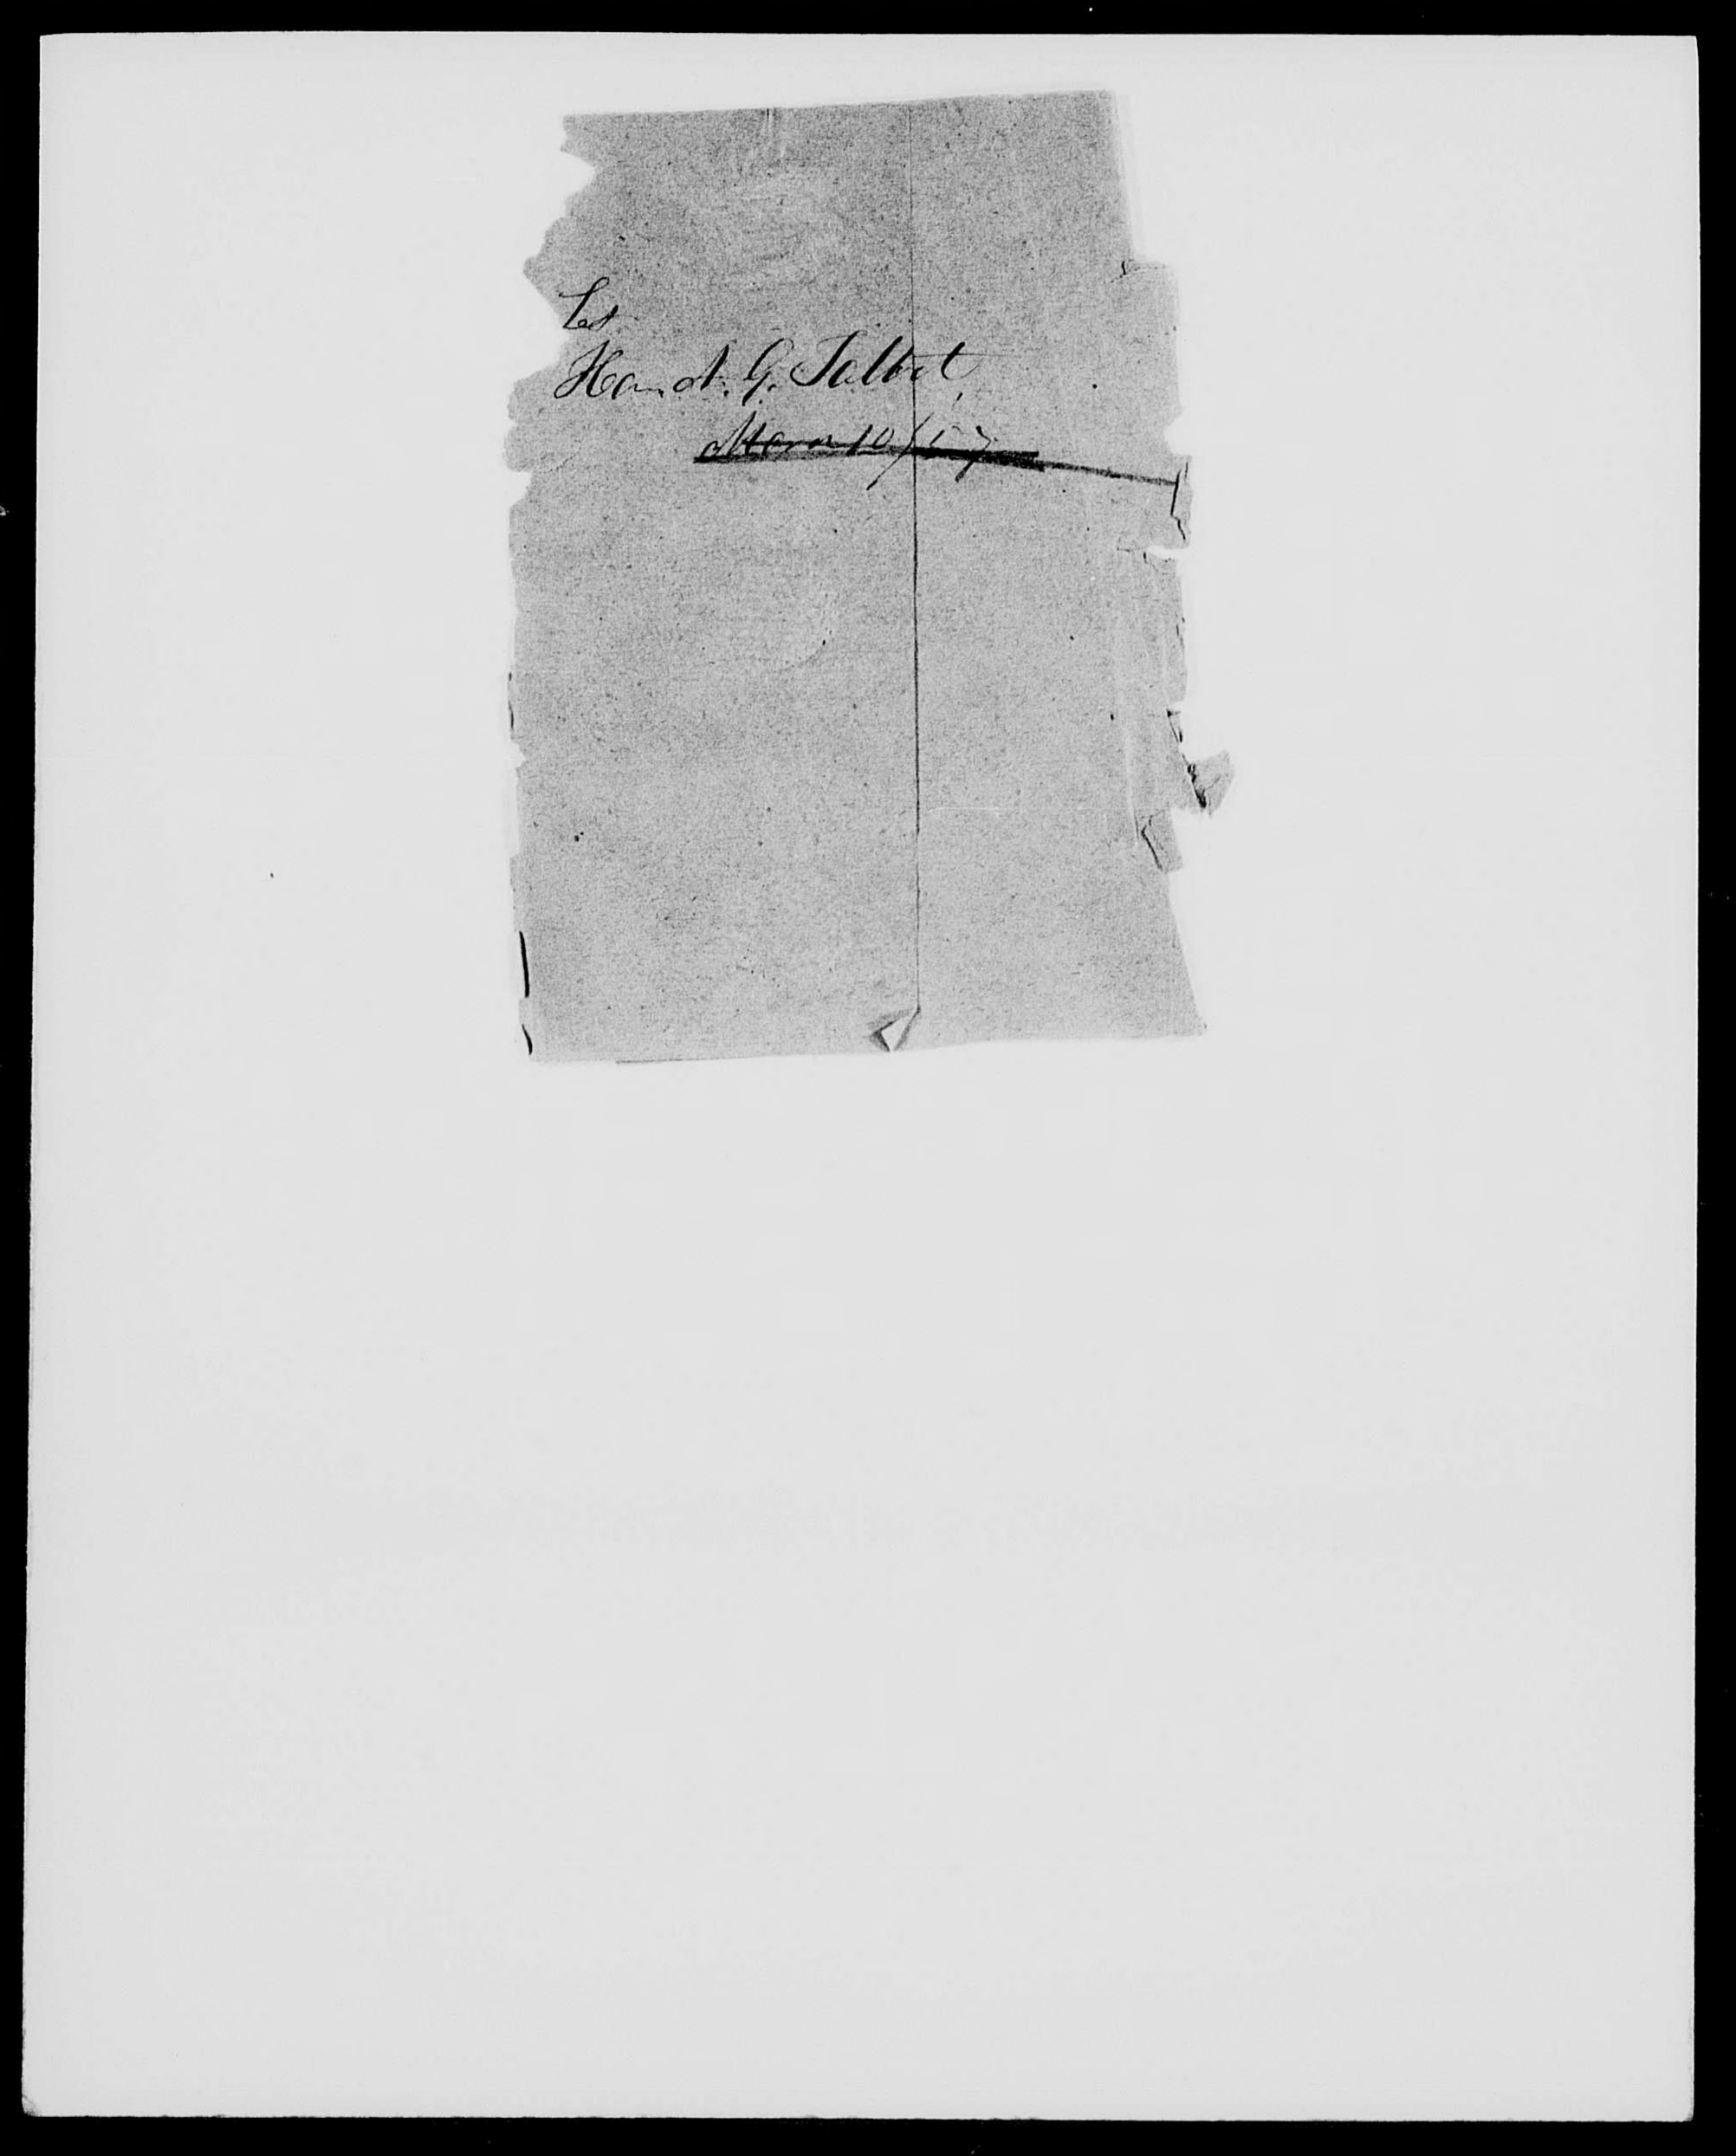Let
Hon A.G. Talbot
[crossed out- ] Mar 10 /57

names: A G Talbot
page: 13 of 144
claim: rejected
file: R. 5208, Dennis Hopkins, N.C.